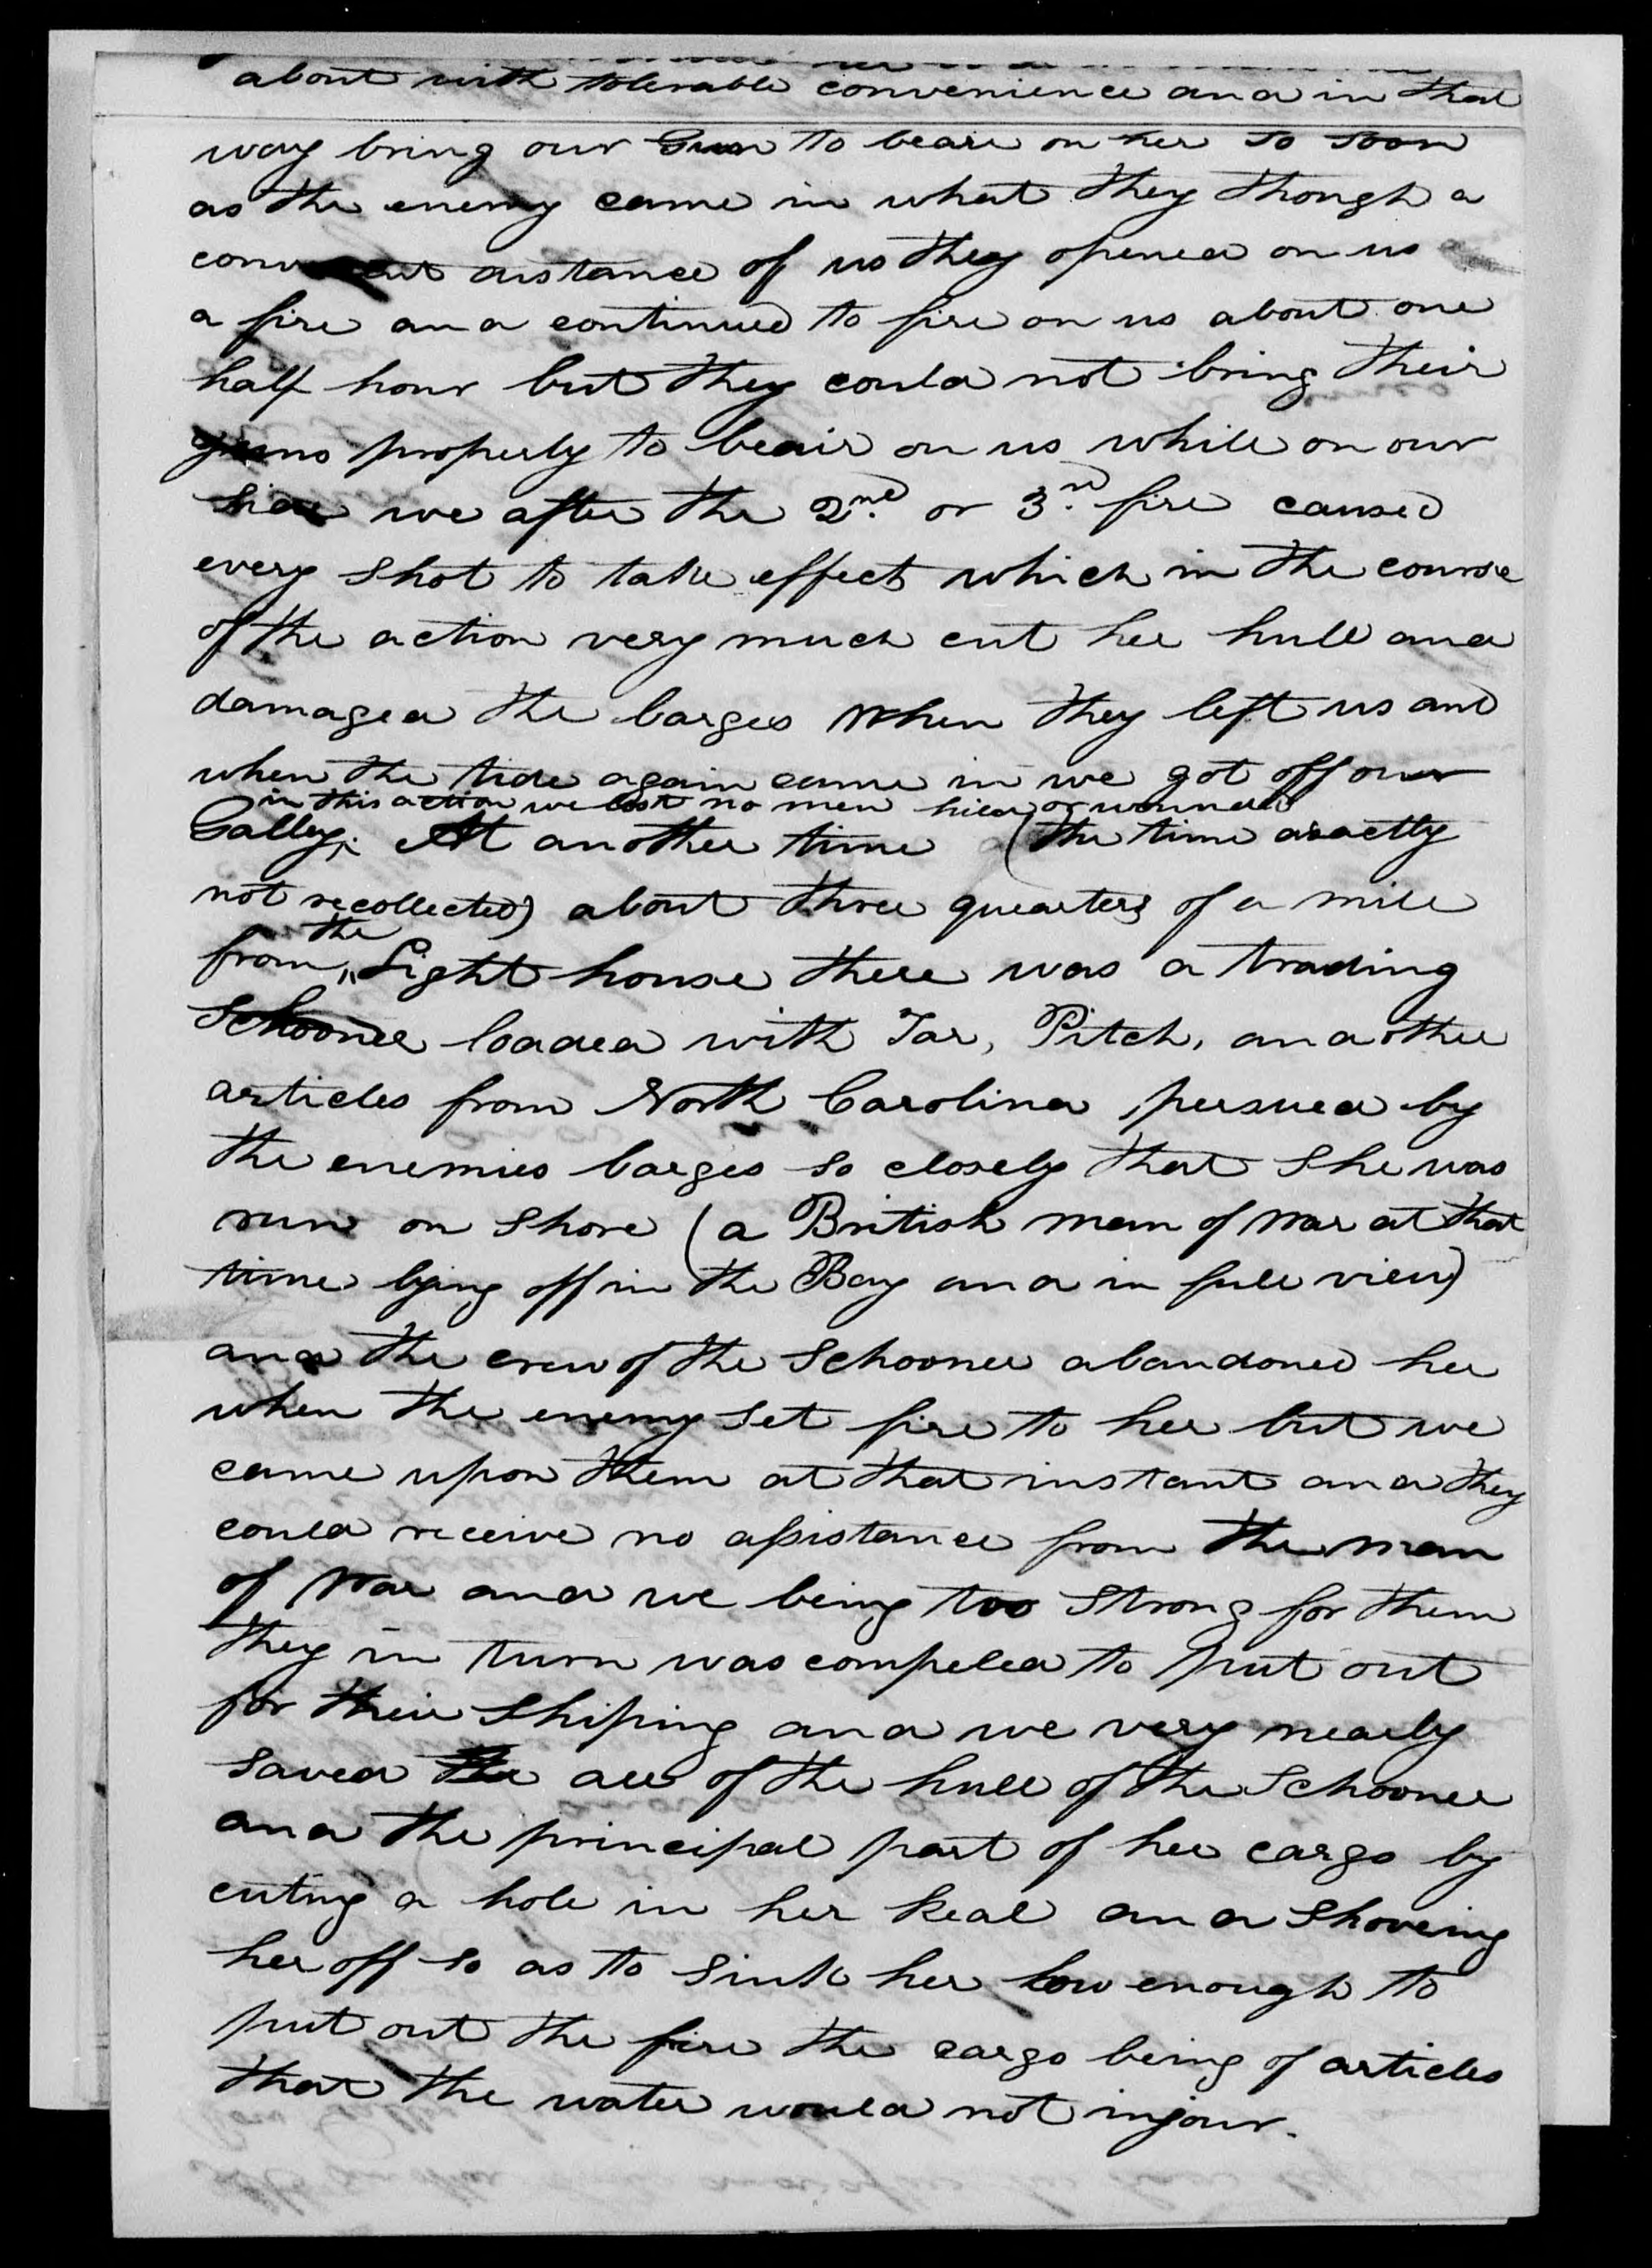(From bottom of page 6)
About with tolerable convenience and in that 

(Page 7)
Way bring our gun to bear on her.  So soon as the enemy came in what they thought a convenient distance of us they opened on us a fire and continued to fire on us about one half hour but they could not bring their guns properly to bear on us while on our side(?) we after the 2nd or 3rd fire caused every shot to take effect which in the course of the action very much cut her hull and damaged teh barges. When they left us and when the tide again came in we got off our Galley. In this action we lost no men killed or wounded.  At another time (the time exactly not recollected) about three quarters of a mile from the lighthouse there was a trading schooner loaded with tar, pitch, and other articles from North Carolina pursued by the enemy barges so closely that she was run on shore (a British man of war at that time lying off in the Bay and in full view)and the crew of the schooner abandoned her when the enemy set fire to her, but we came upon them at that instant and as they could receive no assistance from the man of war and we being too strong for them, they in turn was compelled to put out for their shipping and we very nearly saved all of the hull of the schooner and the principal part of her cargo by cutting a hole in her keel and and shoving her off as to sink here low enough to put out the fire the cargo being articles that the water would not injure.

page: 7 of 25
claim: survivor's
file: S. 13789, for Samuel Lockwood, Delaware